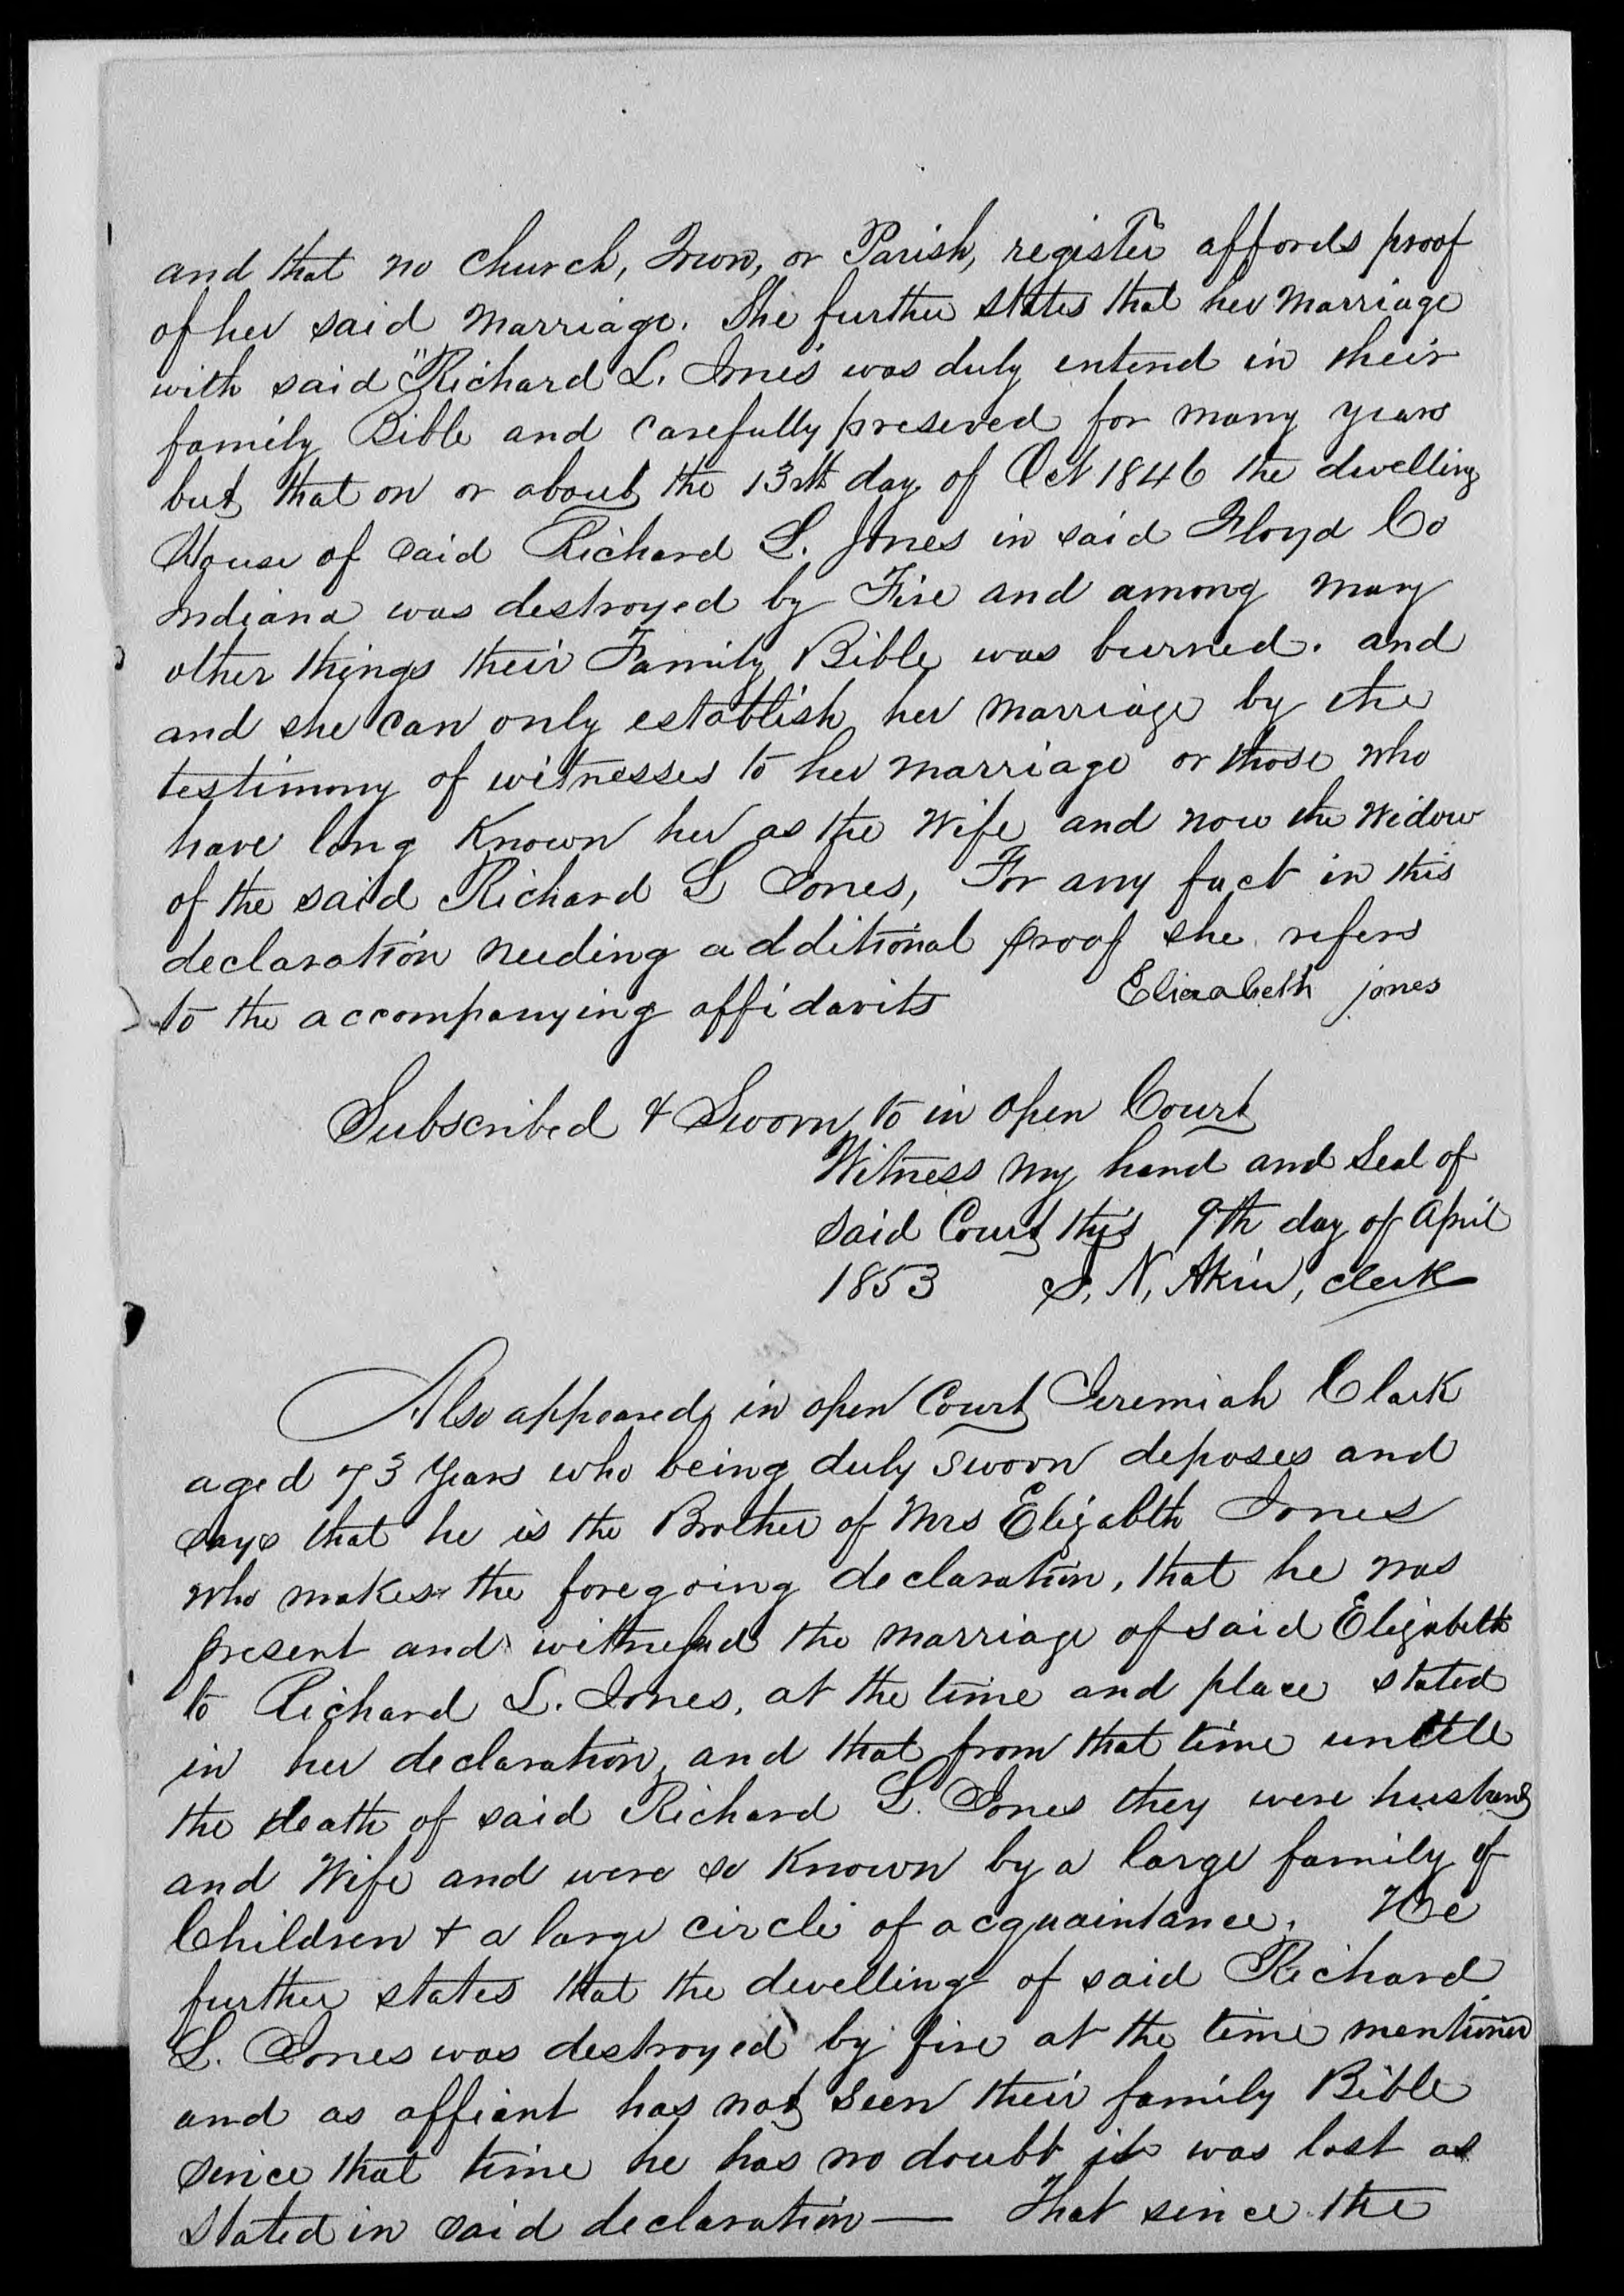and that no church, Irion, or Parish, register affords proof of her said marriage. She further states that her marriage with said Richard L. Ames was duly entered in their family Bible and carefully preserved for many years
but that on or about the 13th day of Oct 1846 the dwelling House of said Richard L. Jones in said Floyd Co Indiana was destroyed by fire and among many other things their Family Bible was burned, and and she can only establish her marriage by the testimony of witnesses to her marriage or those who
have long known her as the wife and now the Widow of the said Richard L Jones, declaration needing additional proof for any fact in this
she refers to the accompanying affidavits
Elizabeth Jones
Subscribed & Sworn to in open Court
Witness my hand and seal of
said Court this 9th day of April
1853
J.N. Akin, Clerk
Also appeared in open Court Jeremiah Clark
aged 73 years who being duly sworn deposes and says that he is the Brother of Mrs Elizabeth Jones who makes the foregoing declaration, that he was present and witnessed the marriage of said Elizabeth to Richard L. Jones, at the time and place stated in her declaration, and that from that time untill the death of said Richard L. Jones they were husband and wife and were so known by a large family of
Children & a large circle of acquaintance,
further states that the dwelling of said Richard
L. Jones was destroyed by five at the time mentioned and as affiant has not seen their family Bible since that time he has no doubt it was lost as stated in said declaration-
That since the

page: 10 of 62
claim: widow's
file: W. 765, for Richard L Jones, Connecticut